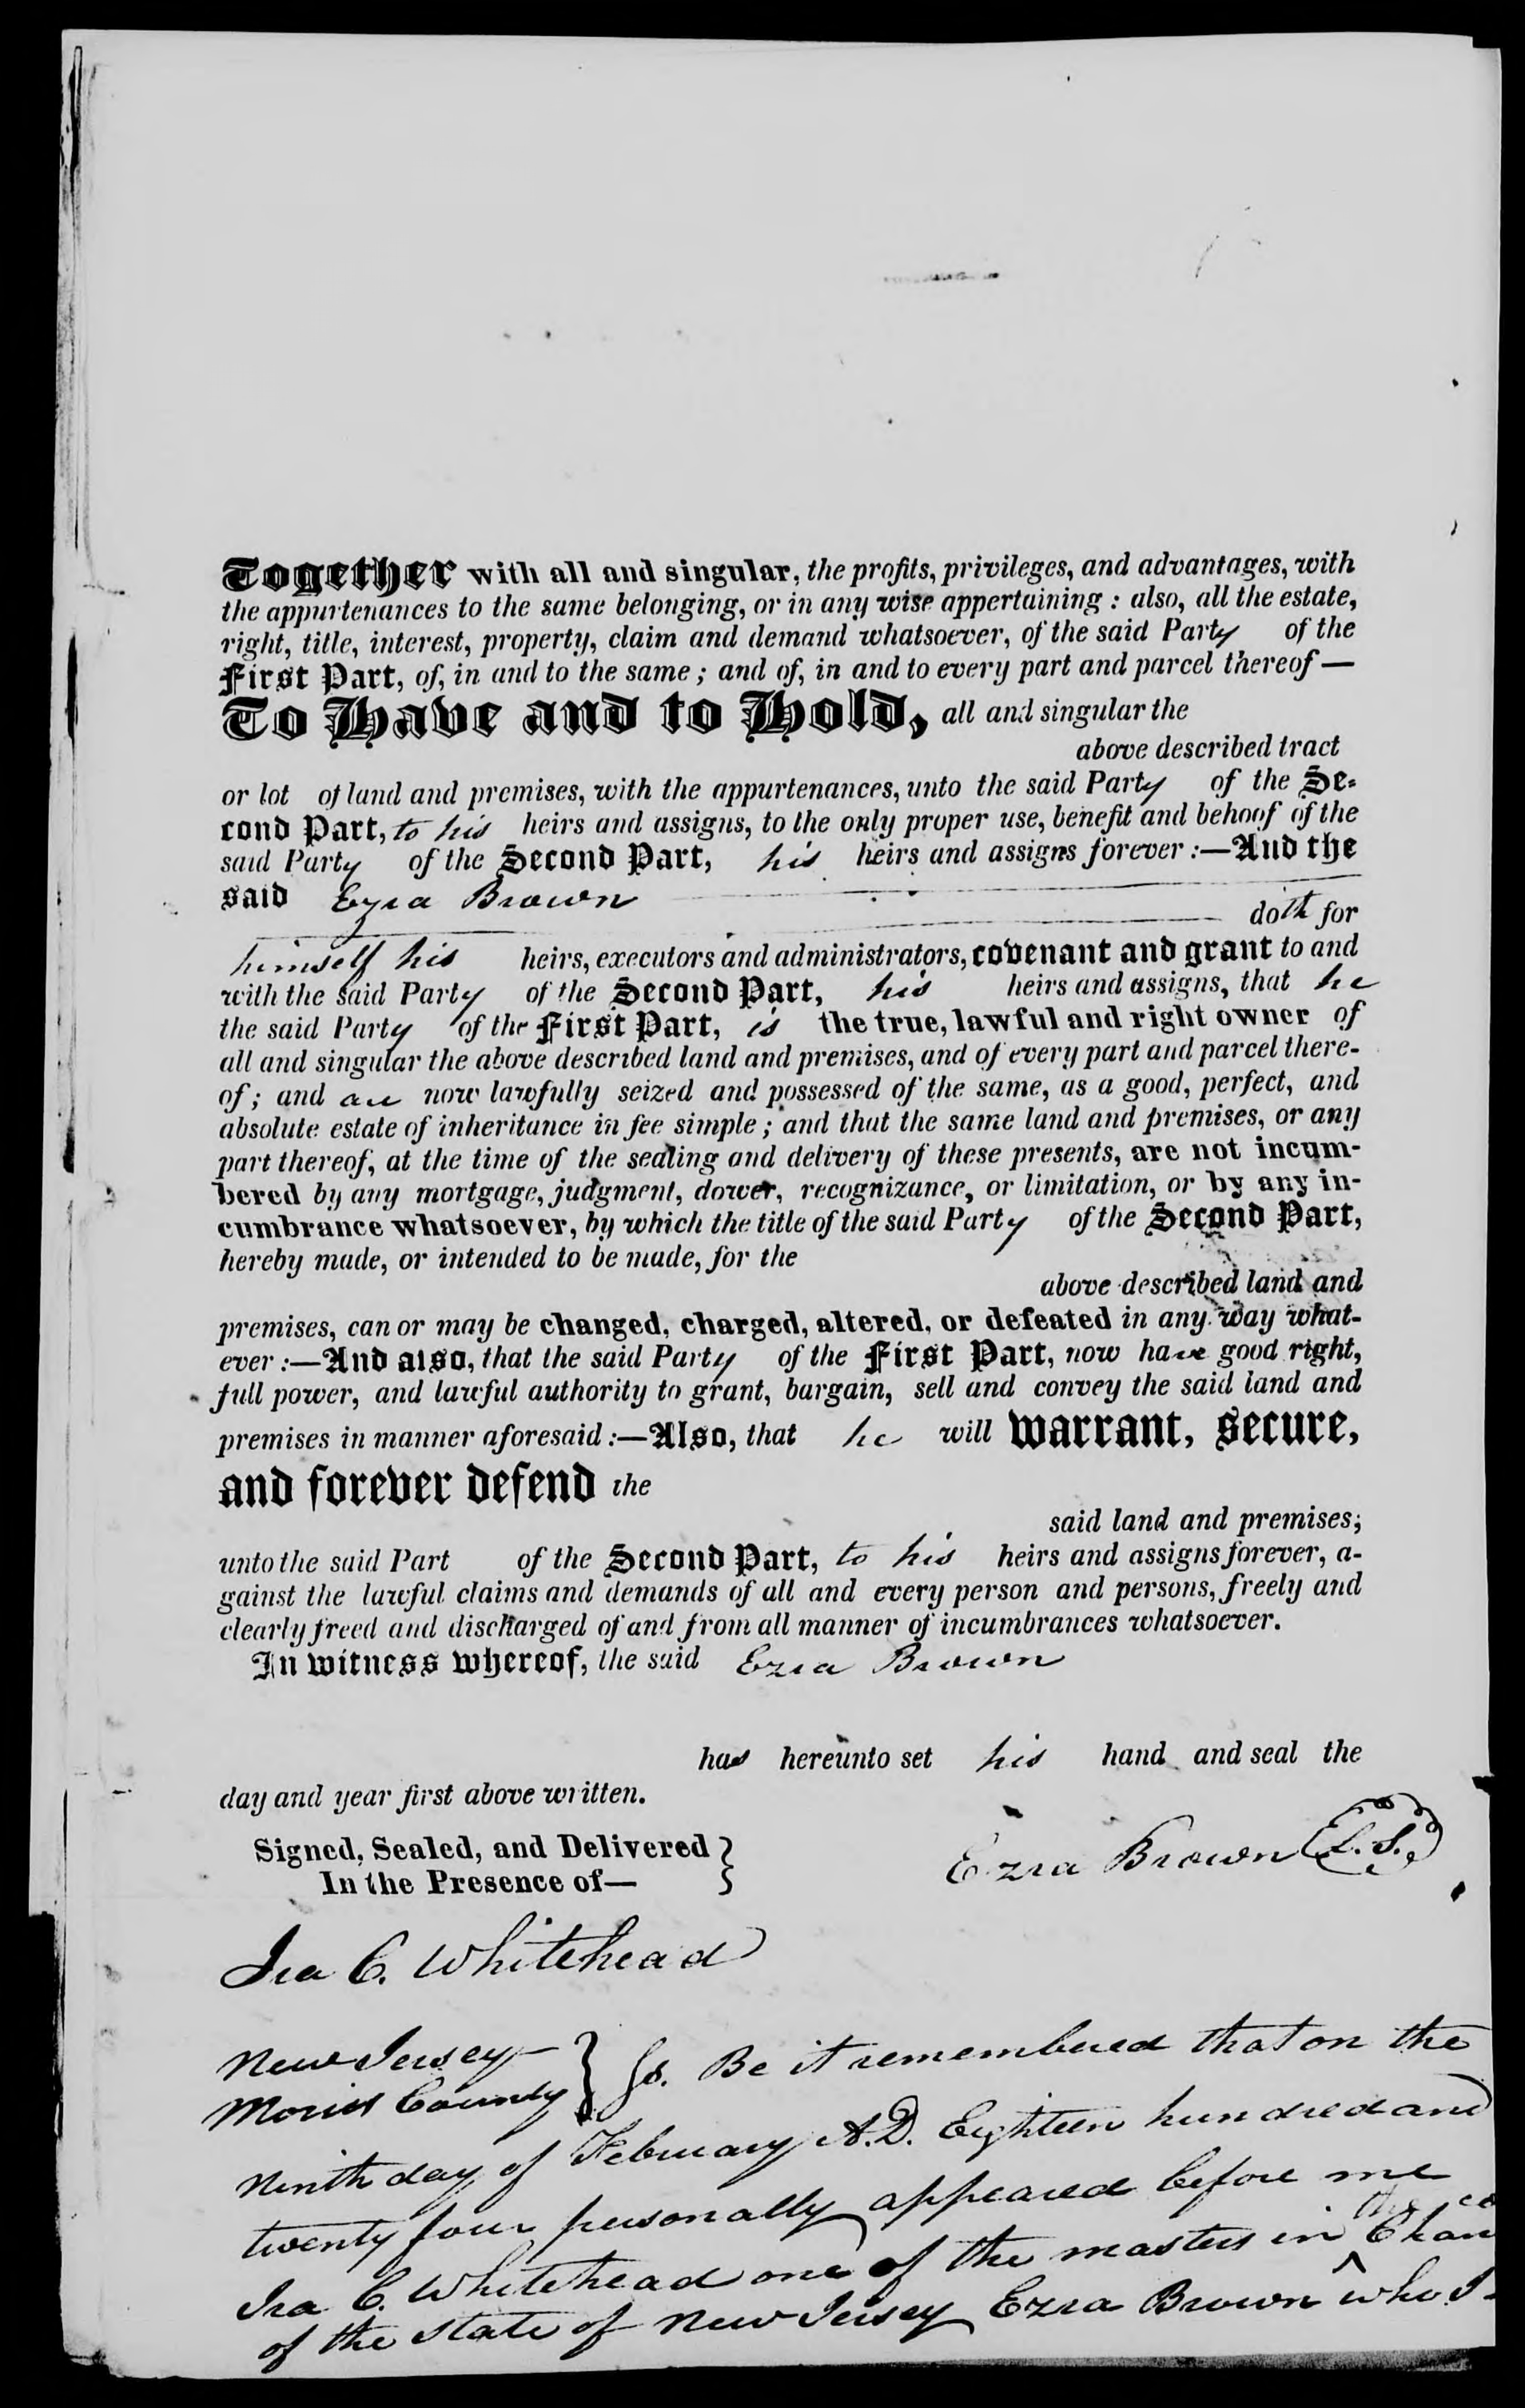Together with all and singular, the profits privileges, and advantages with
the appurtenances to the same belonging, or in any wise appertaining also, all the estate,
right, title interest, property, claim and demand whatsoever, of the said Party of the
First part, of, in and to the same; and of, in and to every part and parcel thereof-
To Have and to Hold, all and singular the
above described tract
or lot of land and premises, with the appurtenances, unto the said Party of the
Second part, his heirs and assigns, forever--And the 
said Ezra Brown
doth for
himself his
heirs, executors and administrators, covenant and grant to and
with the said Party of the Second part, his heirs and assigns, that he
the said Party of the First Part, is the true, lawful and right owner of
all and singular the above described land and premises, and of every part and parcel thereof
and are no lawfully sized and possessed of the same, as a good, perfect, and
absolute estate of inheritance in fee simple; and that the same land and premises, or any
part thereof, at the time of the sealing and delivery of these presents, are not incumbered
by any mortgage, judgment, dower, recognizance, or limitation, or by any incumbrance whatsoever, by which the title of the said Party of the Second part,
hereby made, or intended to be made, for the
above described land and
premises, can or may be changed, charged, altered, or defeated in any way what
ever:--And also, that the said Party of the First Part, now have good right,
full power, and lawful authority to grant, bargain, sell and convey the said land and
premises in manner aforesaid-Also, that he will warrant, secure,
and forever defend the
said land and premises,
unto the said Part of the Second part, to his heirs and assigns forever, against the lawful claims and demands of all and every person and persons, freely and
clearly freed and discharged of and from all manner of incumbrances whatsoever.
In witness whereof, the said Ezra Brown
has hereunto set his hand, and seal the 
day and year first above written.
Ezra Brown (seal)
Signed, Sealed and Delivered ⎬
In the Presence of }
Ira C. Whitehead

New Jersey }
Morris County } ss. Be it remembered that on the
ninth day of February A.D. Eighteen hundred and
twenty four personally appeared before me
Ira C. Whitehead one of the masters in the Chan[cut off]
of the State of New Jersey Ezra Brown who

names: Ira C Whitehead, Ira C Whitehead, Ezra Brown, Ezra Brown, Ezra Brown, Ezra Brown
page: 26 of 27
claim: survivor's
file: S. 34,094, Ezra Brown, New Jersey